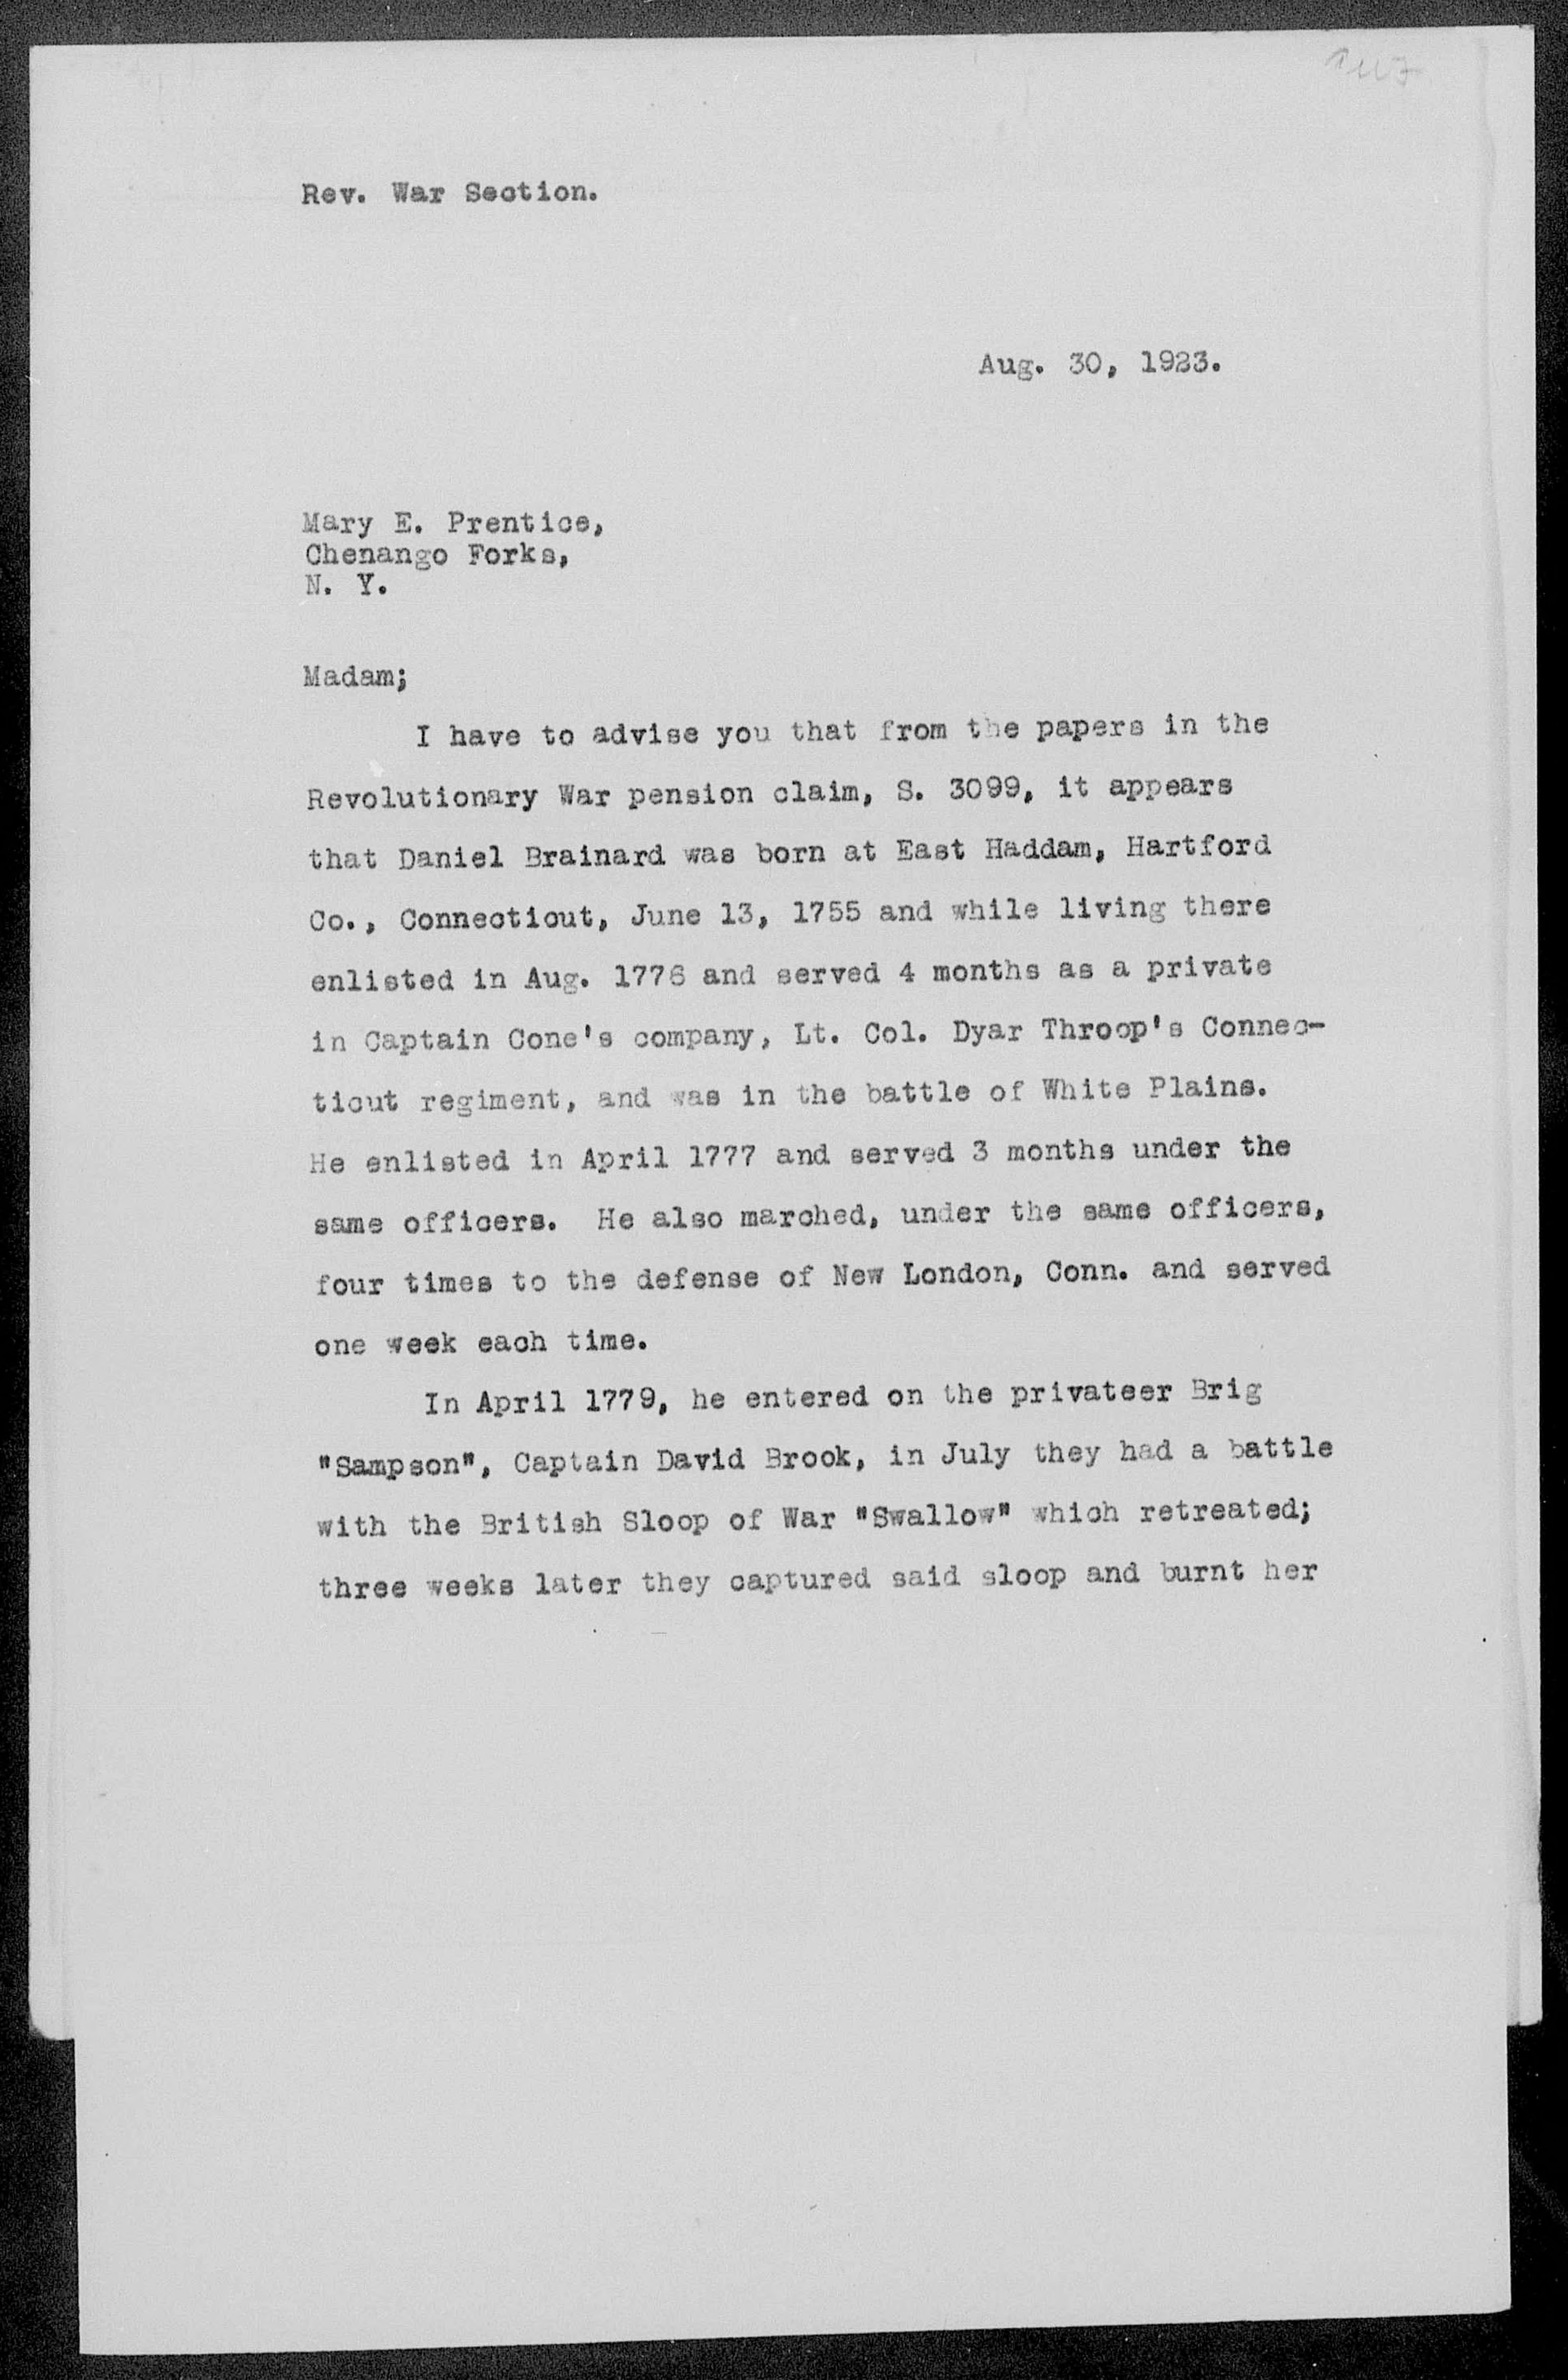Aug. 30, 1923.
Mary E. Prentice,
Chenango Forks,
N.Y.
Madam;
I have to advise you that from the papers in the Revolutionary War pension claim, S. 3099, it appears that Daniel Brainard was born at East Haddam, Hartford Co., Connecticut, June 13, 1755  and while living there enlisted in Aug. 1776 and served 4 months as a private in Captain Cone's company,  Lt. Col. Dyar Thropp's Connecticut regiment, and was in the battle of White Plains. He enlisted in April 1777 and served 3 months under the same officers. He also marched, under the same officers, four times to the defense of New London, Conn. and served one week each time.
In April 1779, he entered on the privateer Brig "Sampson", Captain David Brook, in July they had a battle with the British Sloop of War "Swallow" which retreated; three weeks later they captured said sloop and burnt her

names: David Brook, Daniel Brainard, Mary E Prentice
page: 29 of 30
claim: survivor's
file: S. 3099, Daniel Brainard, Conn. Privateer